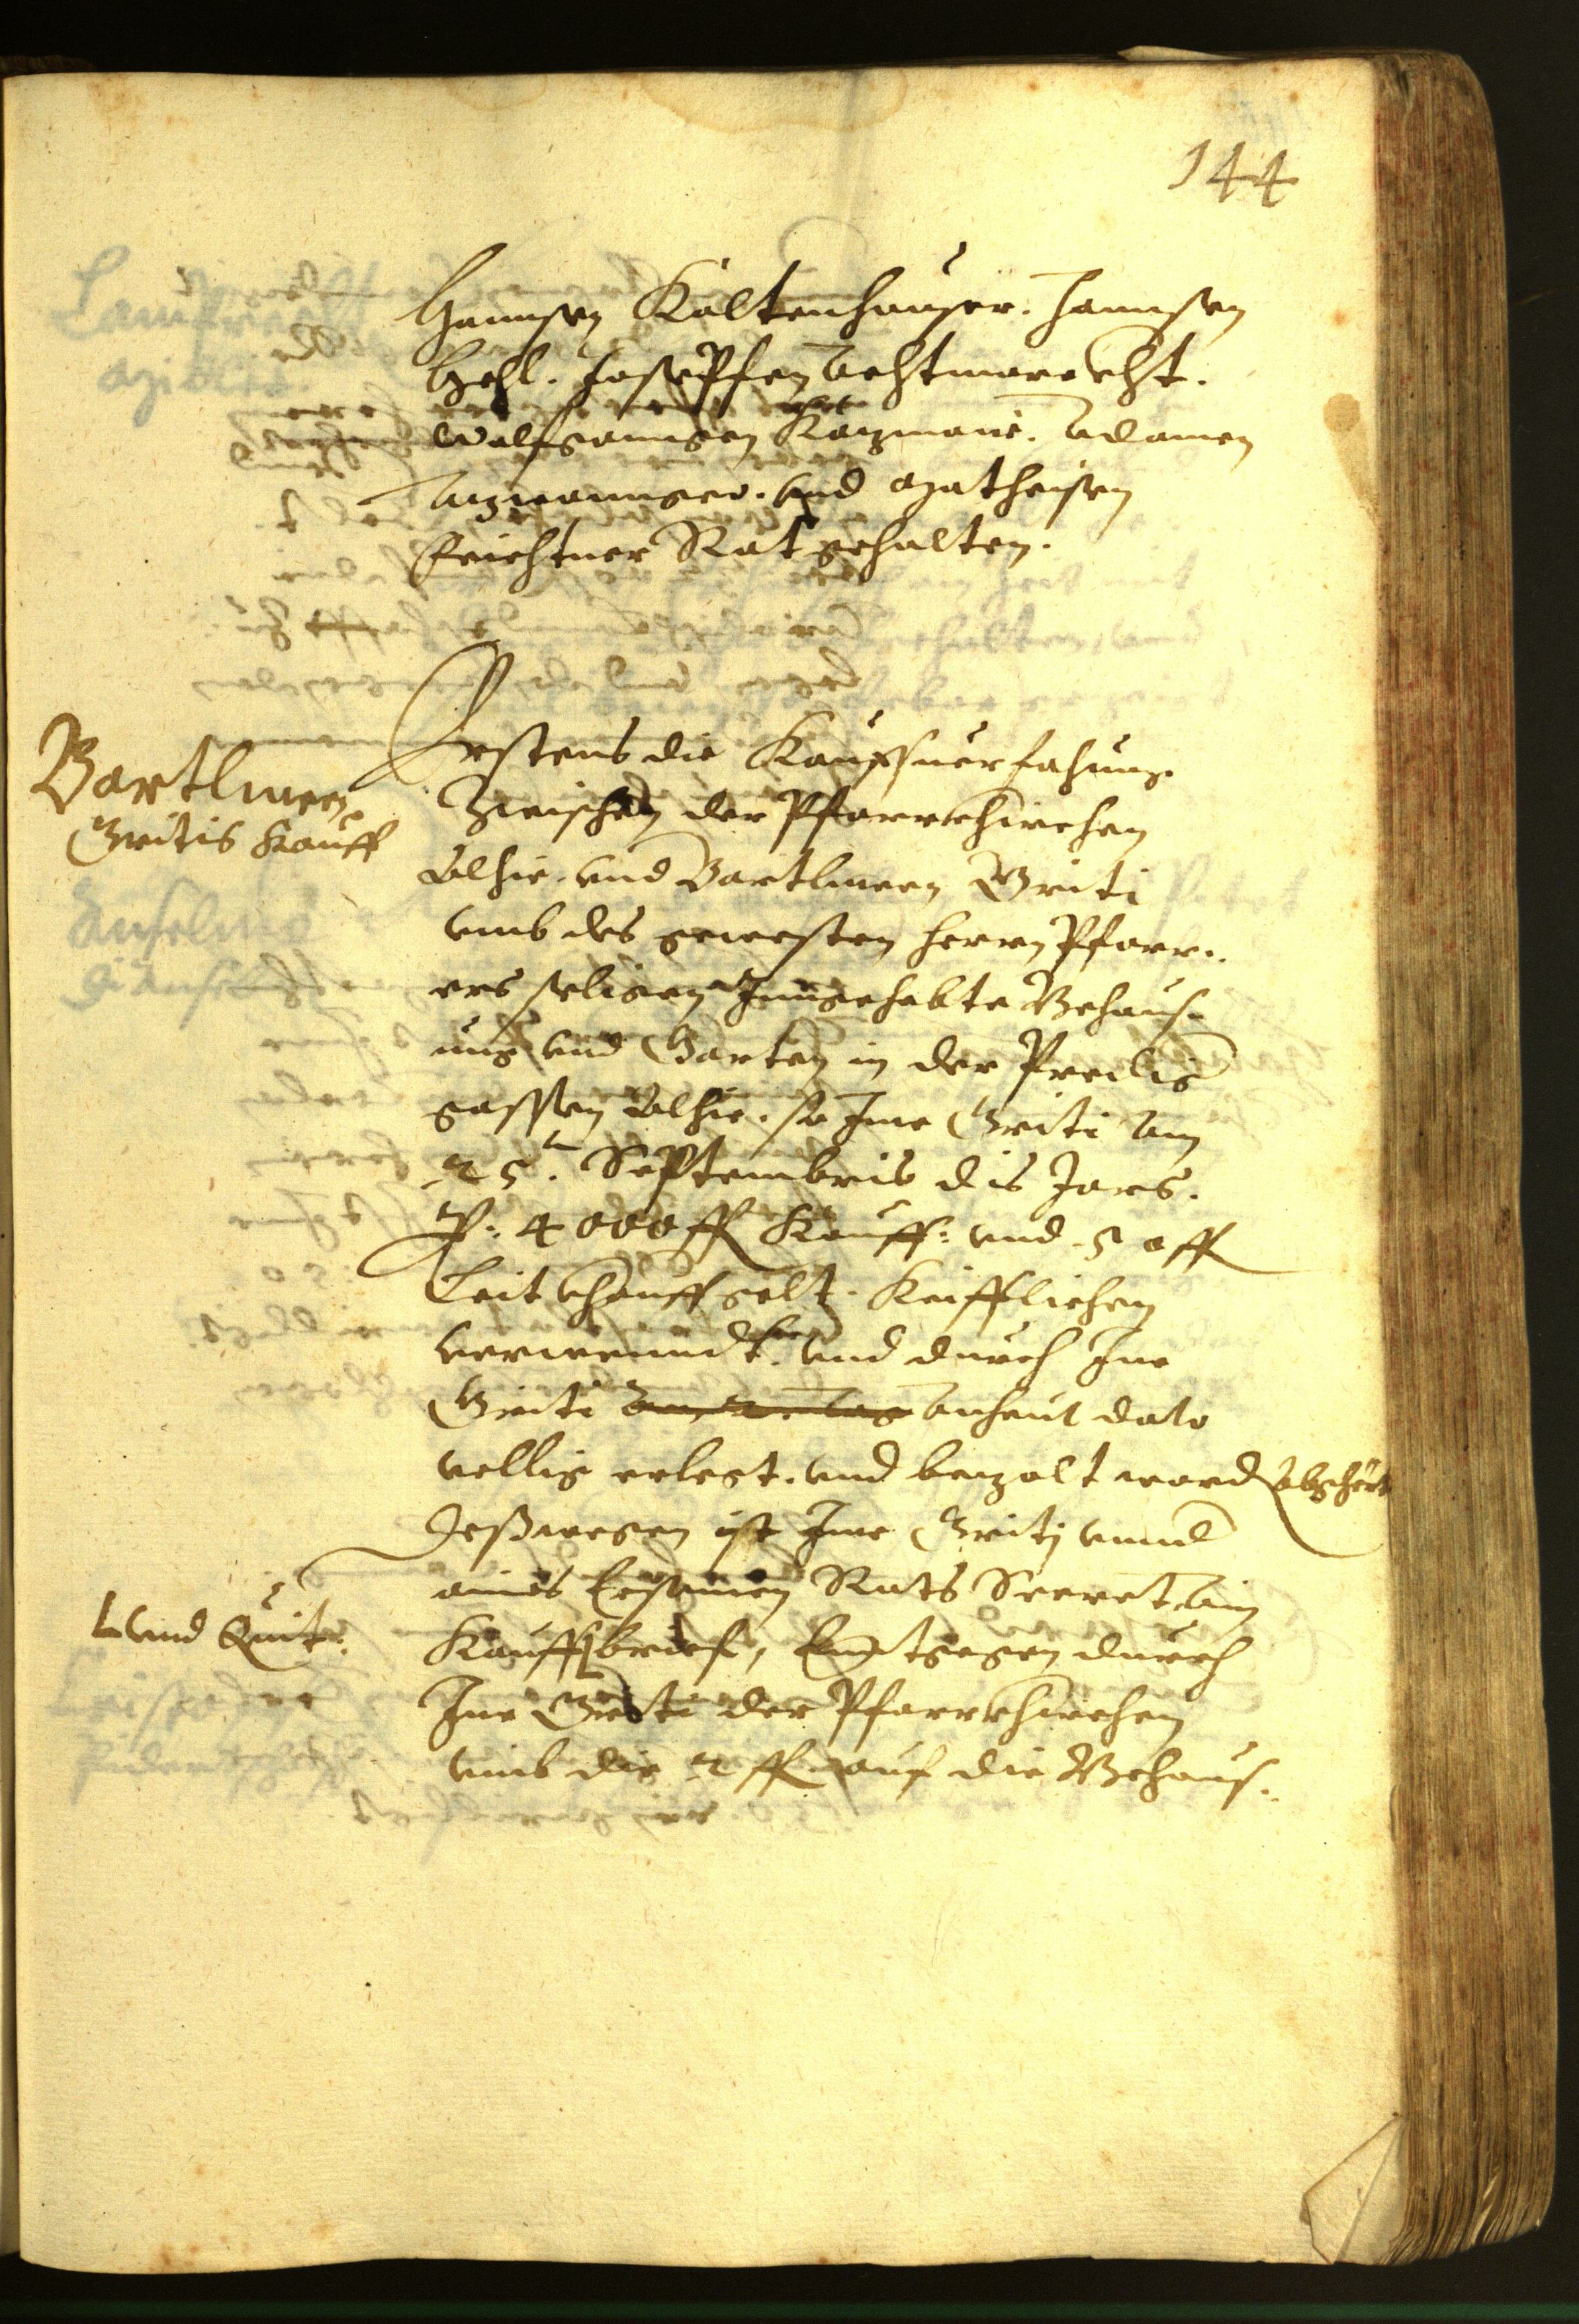144
Hannsen Kaltenhaūser. Hannsen
Hehl. Joseffen Achtmarckht.
Wolfganngen Kazmair. Adamen
Azwannger. vnd Matheisen
Feichtner Rat gehalten.
Erstens die Kaūfsūerfahūng
Zwischen der Pfarrkhirchen
Alhie. vnd Bartlmeen Griti
vmb des gwesten herrn Pfarr¬
ers seligen Inngehabte Behaūs¬
ūng vnd Garten in der Predig
gassen Alhie. so Ime Griti Am
.25.t SePtembris dis Jars.
P: 4000 fl Kaūff: vnd .50 fl
Leit khaūff gelt. Keifflichen
verwenndt. vnd dūrch Ine
Griti Am 21. Tag Anheūt dato
vellig erlegt. vnd bezalt word Abgehört.
Deßwegen ist Ime Gritj vnnd
aines Ersamen Rats Secret. Ain
Kaūff brief, Enntgegen dūrch
Ine Griti der Pfarrkhirchen
vmb die 2 fl. aūf die Behaūs¬
Bartlmeen
Gritis Kaūff
vnd Qūit¬